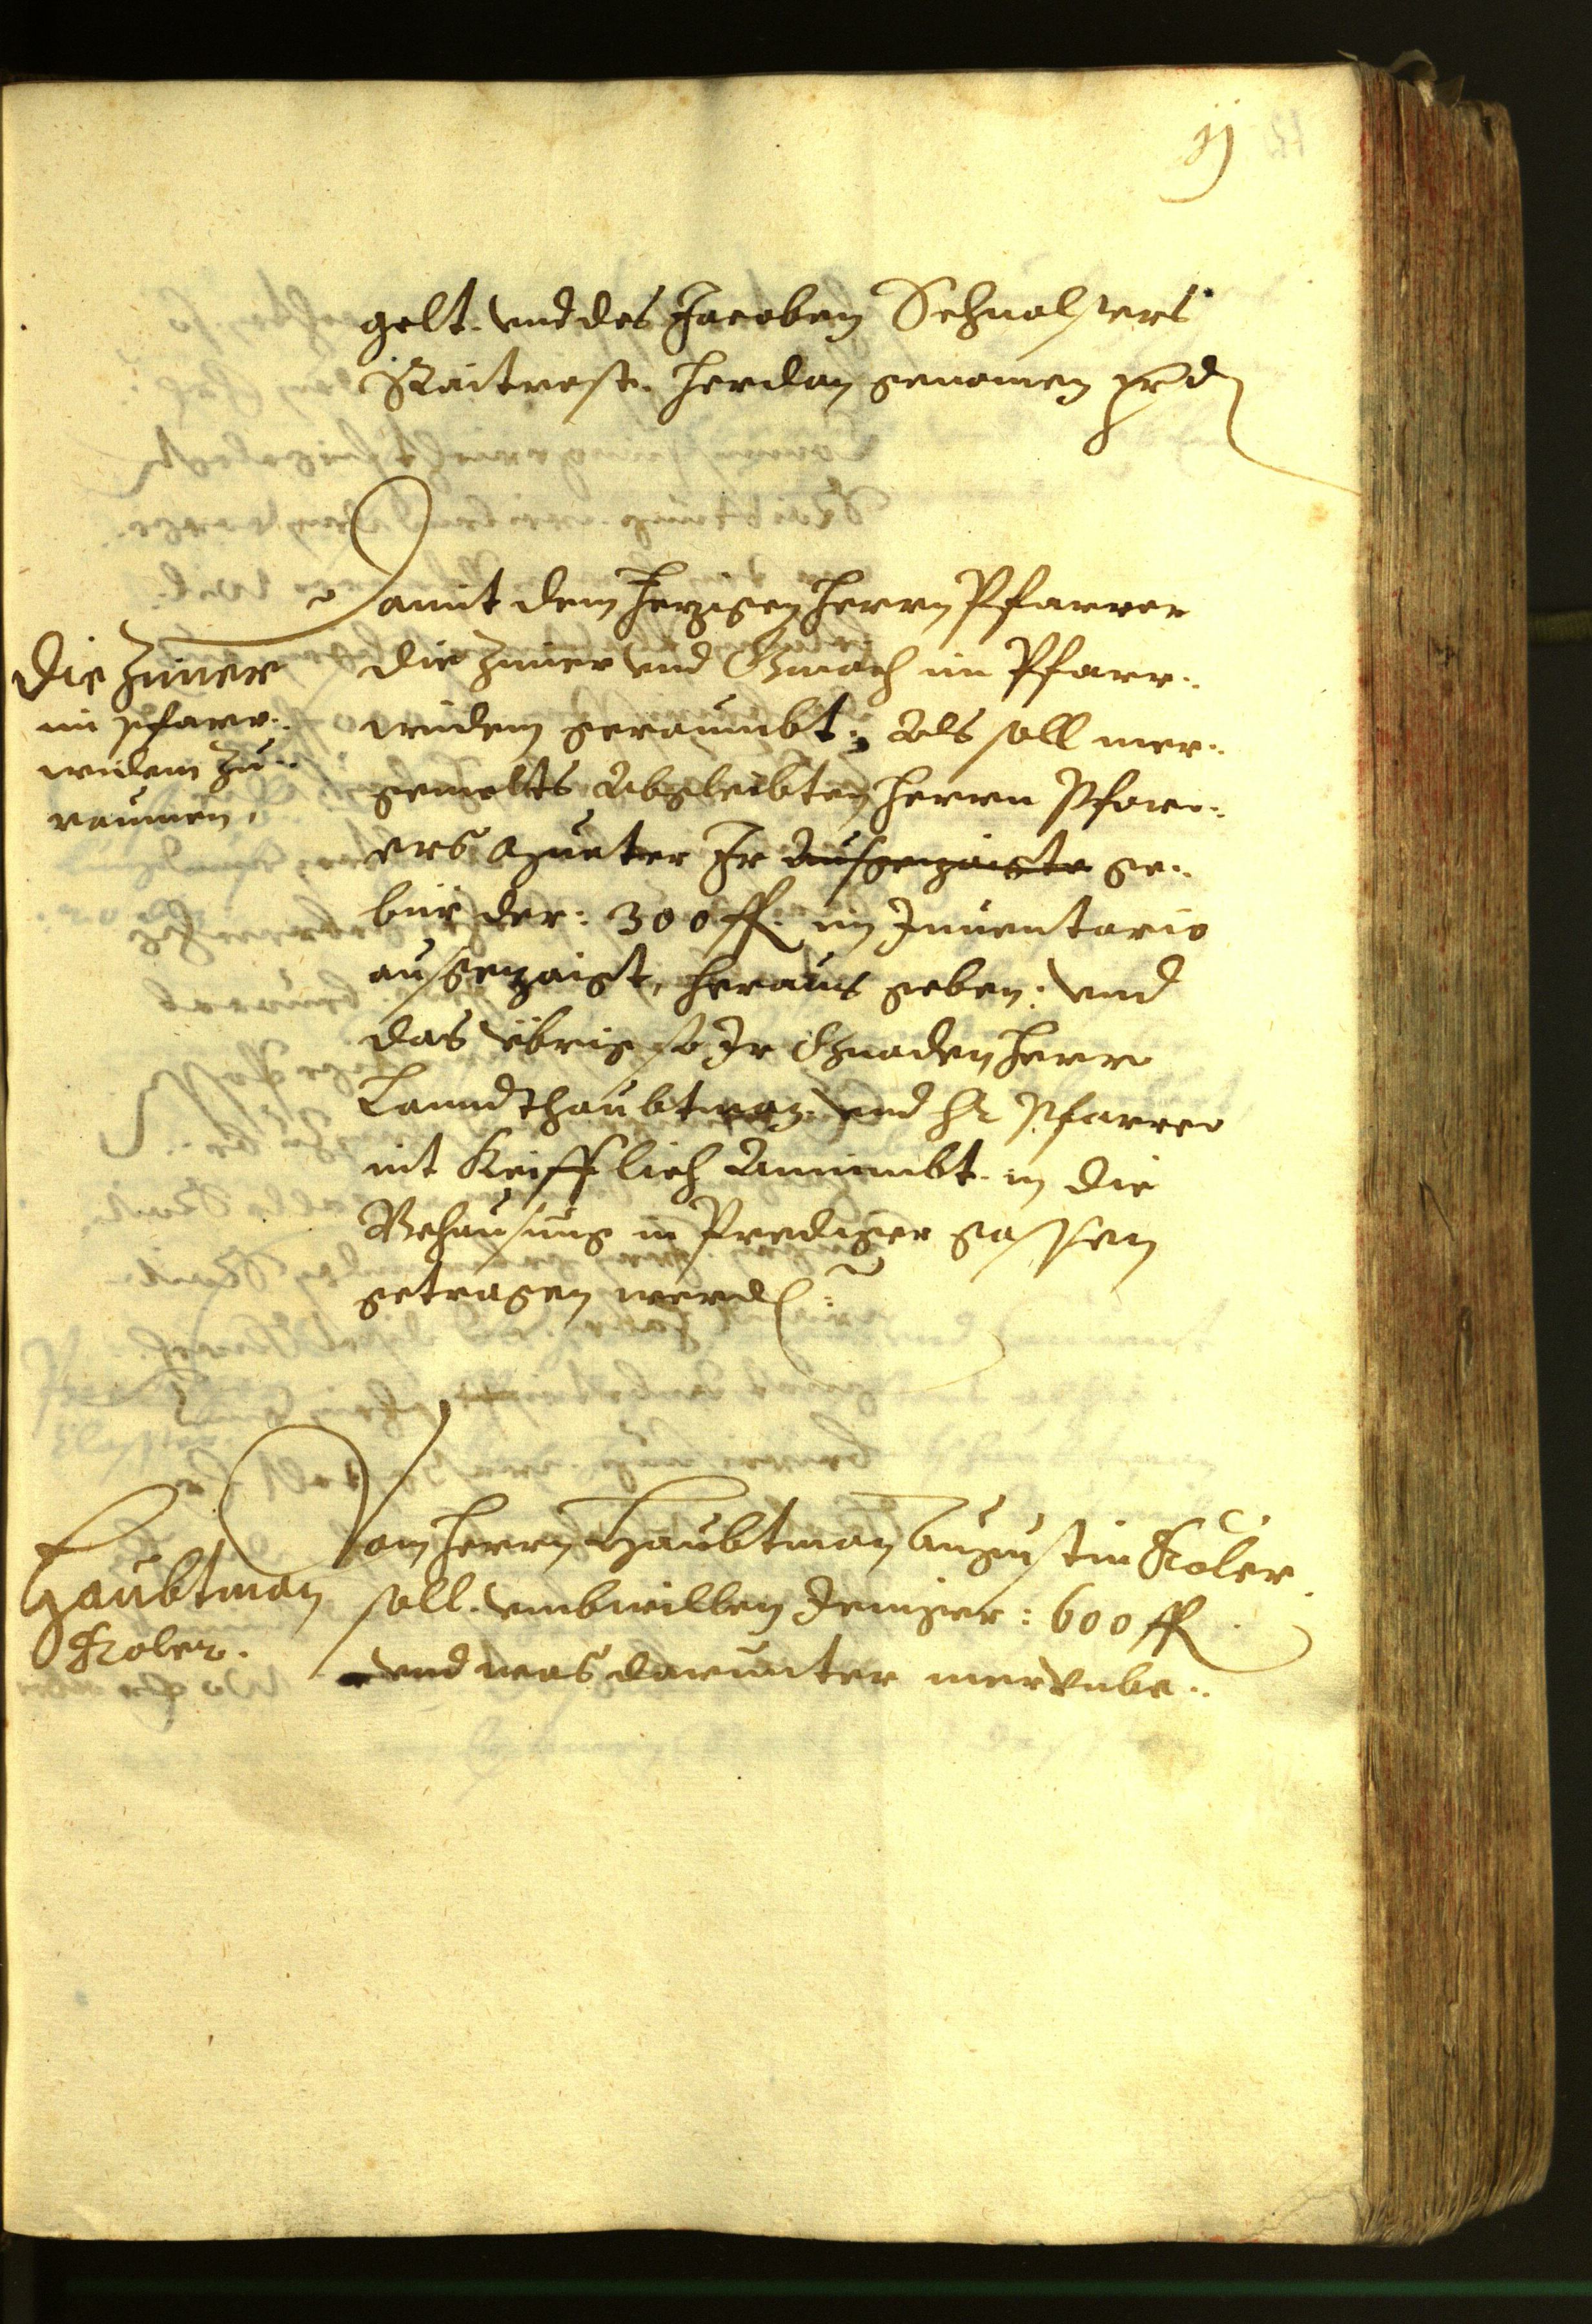11
gelt. vnd des Jacoben Schnalsers
Raitrest. herdan genomen wd
Damit dem Jezigen herrn Pfarrer
Die Zimer vnd Gmach im Pfarr¬
widum geraūmbt, als soll mer¬
gemelts abgeleibten Herrn Pfarr¬
ers Mūeter ir Aūsgezaigte ge¬
bür der: 300 fl. im Inūentario
aūsgezaigt, heraūs geben. vnd
das v̈brig so ir Gnaden herr
Lanndthaūbtman. vnd h Pfarrer
nit keifflich Annimbt. in die
Behaūsung in Prediger gassen
getragen werd:
Die Zimer
im pfarr¬
widem Zū¬
raūmen.
Vom herrn Haūbtman Aūgūstin Kōler
soll. vmbwillen Jeniger: 600 fl.
vnd was darūnter mer vnbe¬
Haūbtman
Koler.